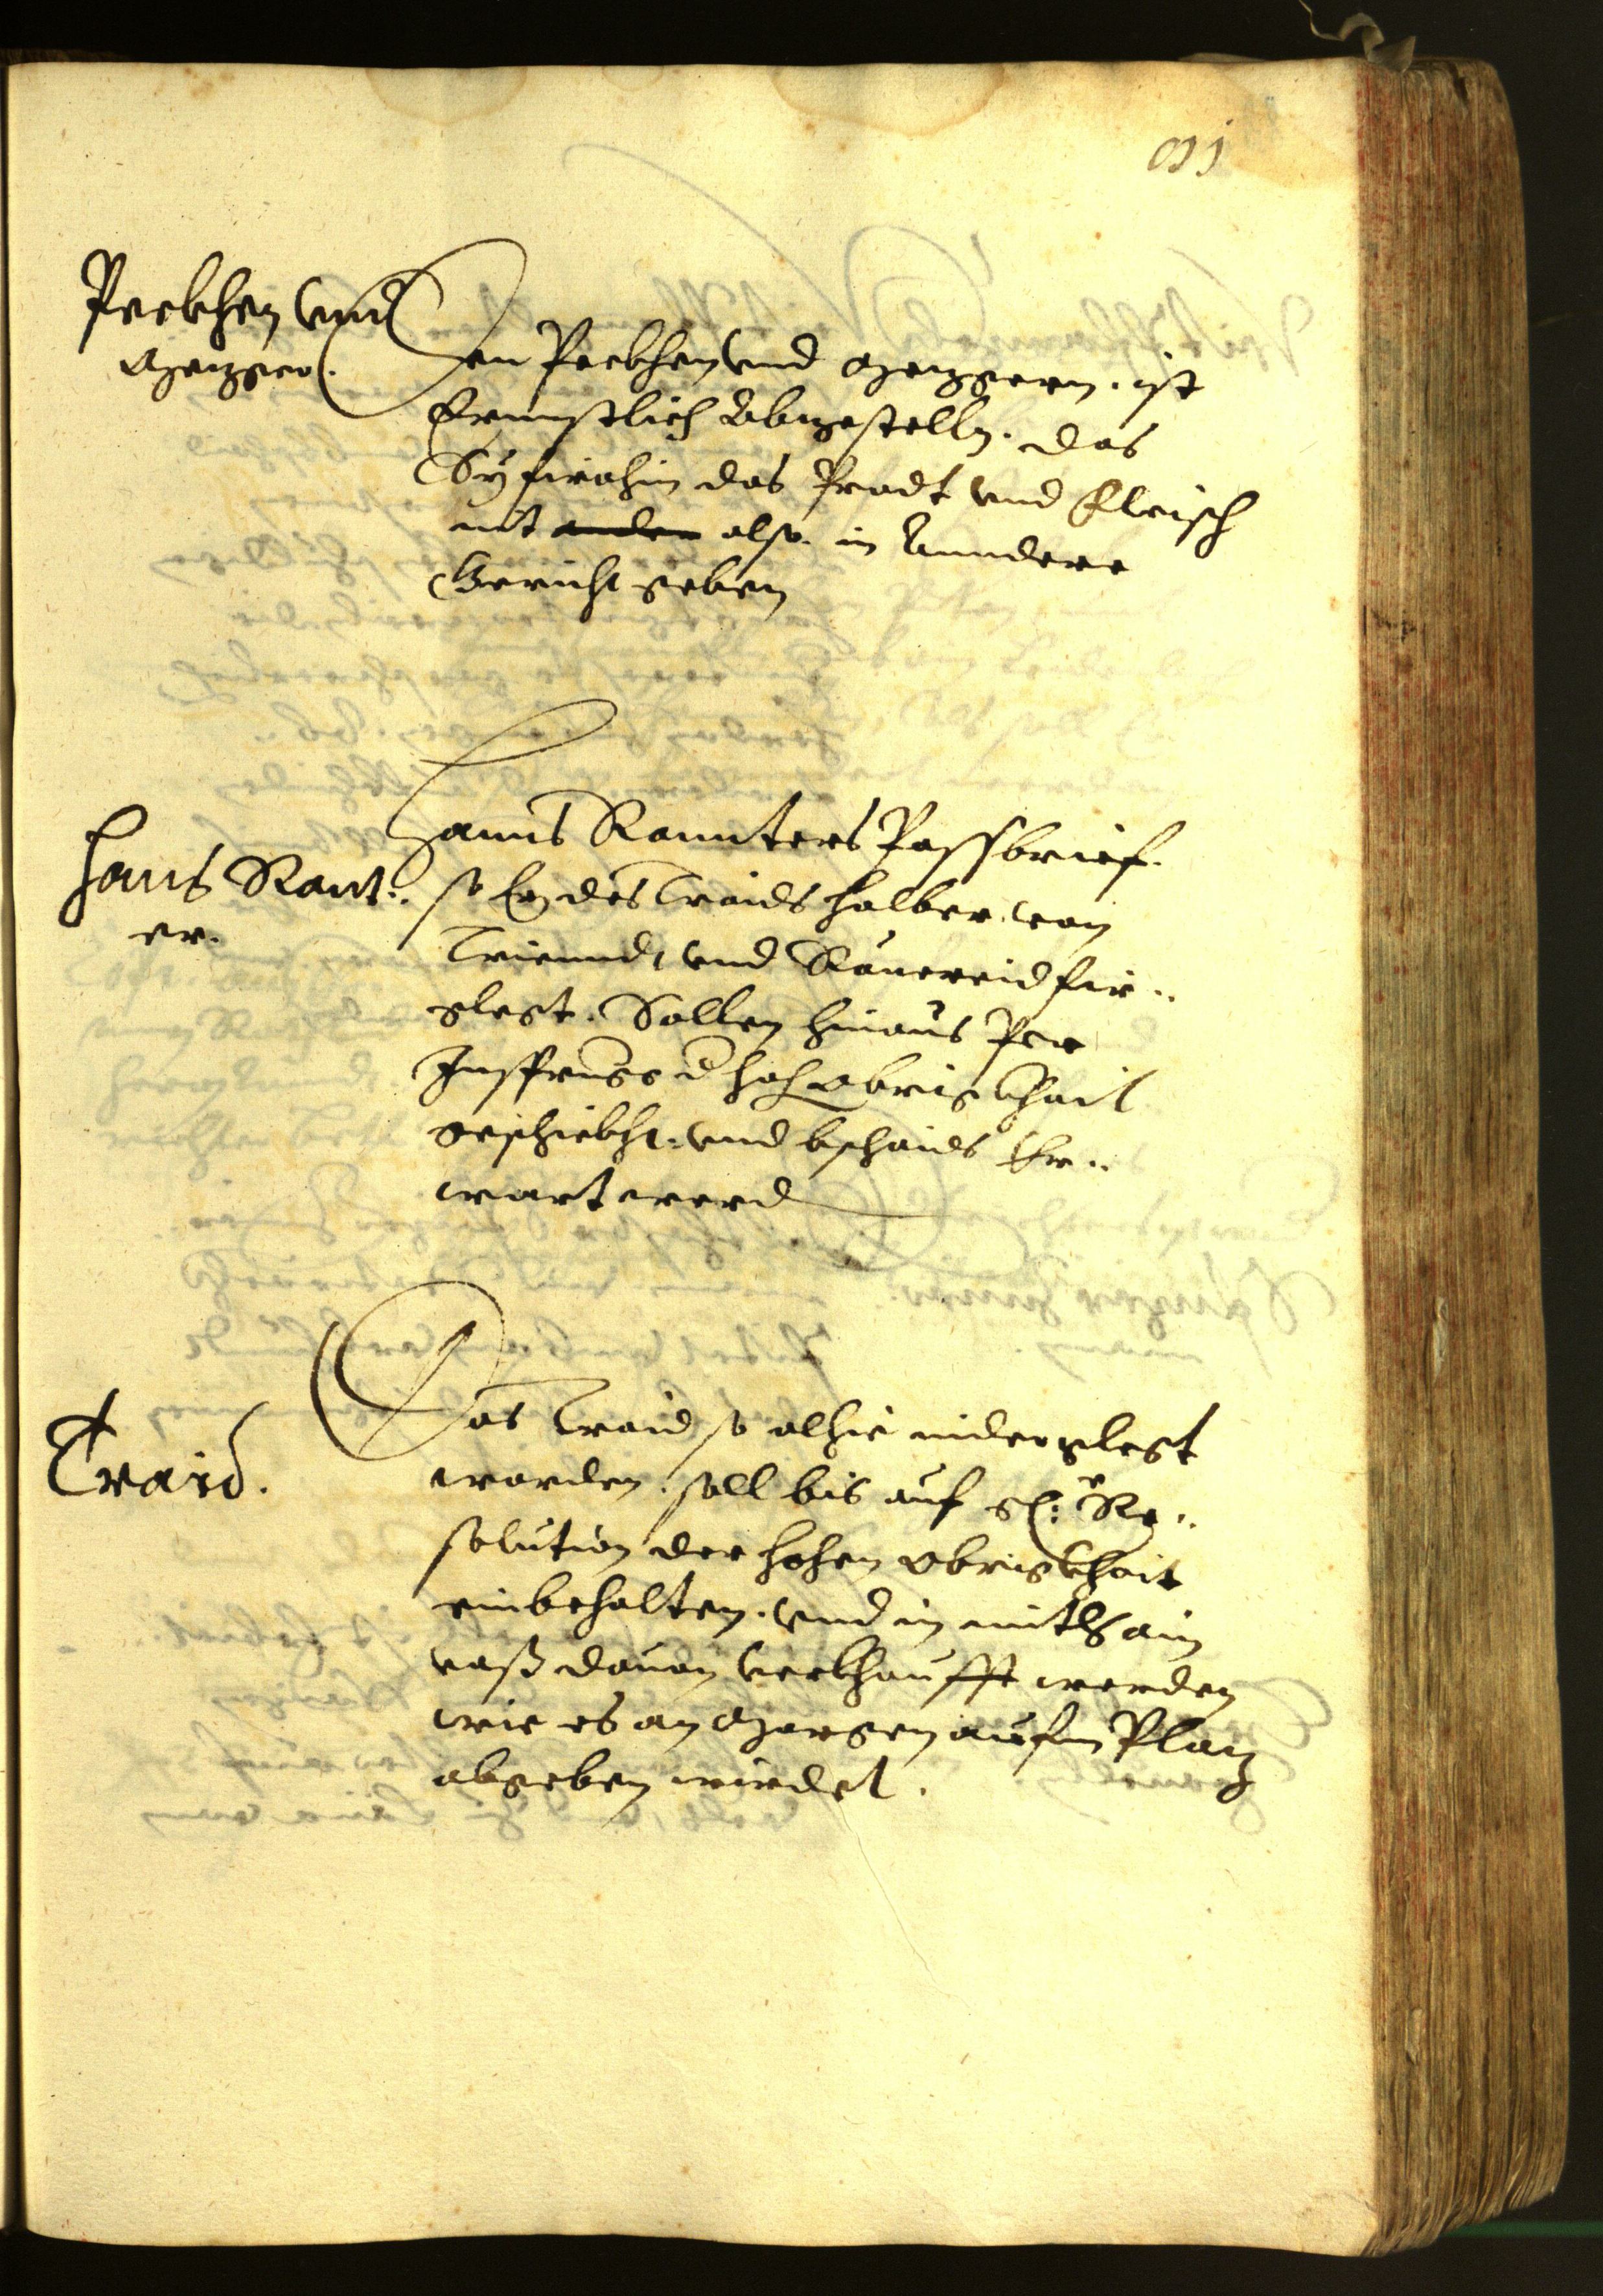81
Peckhen vnd
Mezger.
Den Peckhen vnd Mezgern. ist
Ernnstlich Abzestelln. das
Sȳ firohin das Prodt vnd Fleisch
nit ander also. in Anndere
Gericht geben
Hanns Rannters Passbrief.
so Er des Traids halber. von
Trienndt vnd Roūereid fir¬
glegt. Sollen hinaūs Per
Insprūgg d hoh Obrigkhait
geschickht: vnd bschaids Er¬
wart werd
Hans Rant¬
er.
Das Traid so alhie niderglegt
worden. soll bis aūf g: Re¬
solūtion der hohen Obrigkhait
einbehalten. vnd in mith ain
vaß daūon verkhaūfft werden
wie es an Morgen aūfm Plaz
abgeben wirdet.
Traid.